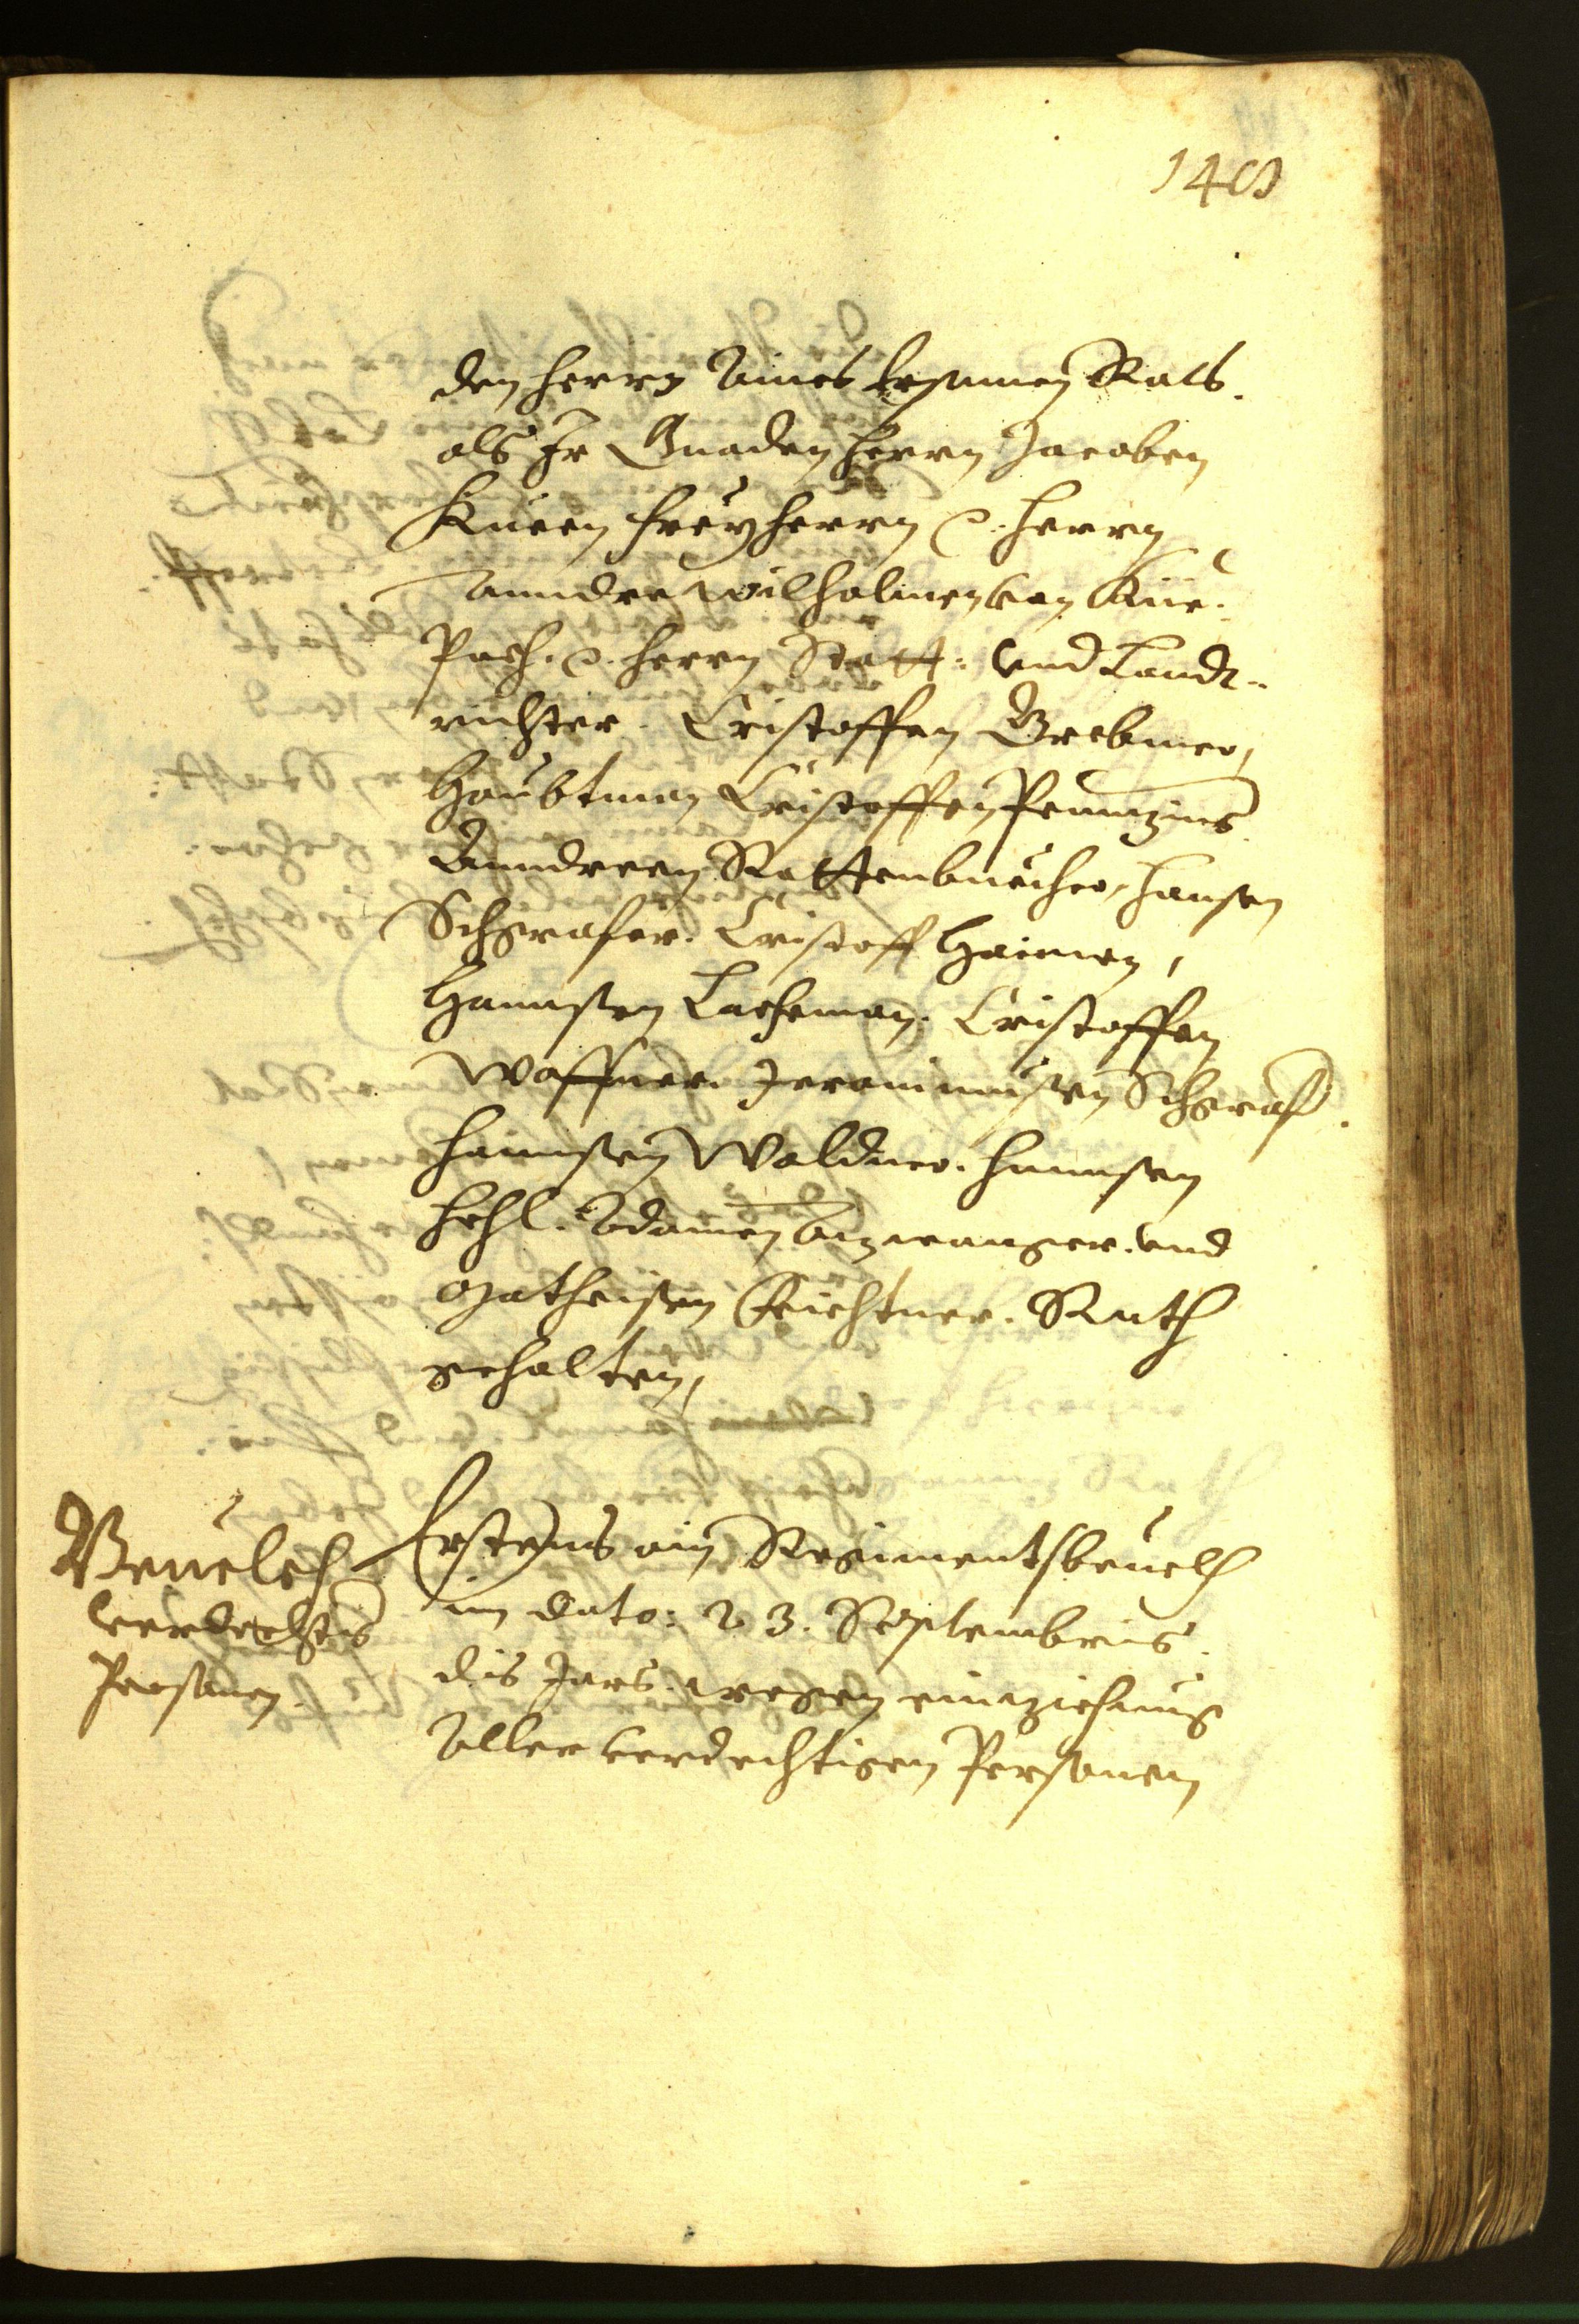148
den herrn Aines Ersamen Rats.
als Ir Gnaden herrn Jacoben
Kūeen freȳherrn etc. herrn
Anndre Wilhalmen von Küe¬
Pach. etc. herrn Statt: vnd Landt¬
richter Cristoffen Grebmer,
Haūbtman Cristoffen Pennzing
Anndreen Rottenbūecher, hansen
Schgrafer. Cristoff Haimen,
Hannsen Locheman. Cristoffen
Waffner. Jeronimūsen Schgraf.
hannsen Waldner. hannsen
hehl. Adamen Azwannger. vnd
Matheisen Feichtner. Rath
gehalten,
Erstens ain Regimentsbeūelh
im dato: 23. Septembris
dis Jars. wegen einziehūng
Aller verdechtigen Personen
Beūelch
verdechtig
Personen.